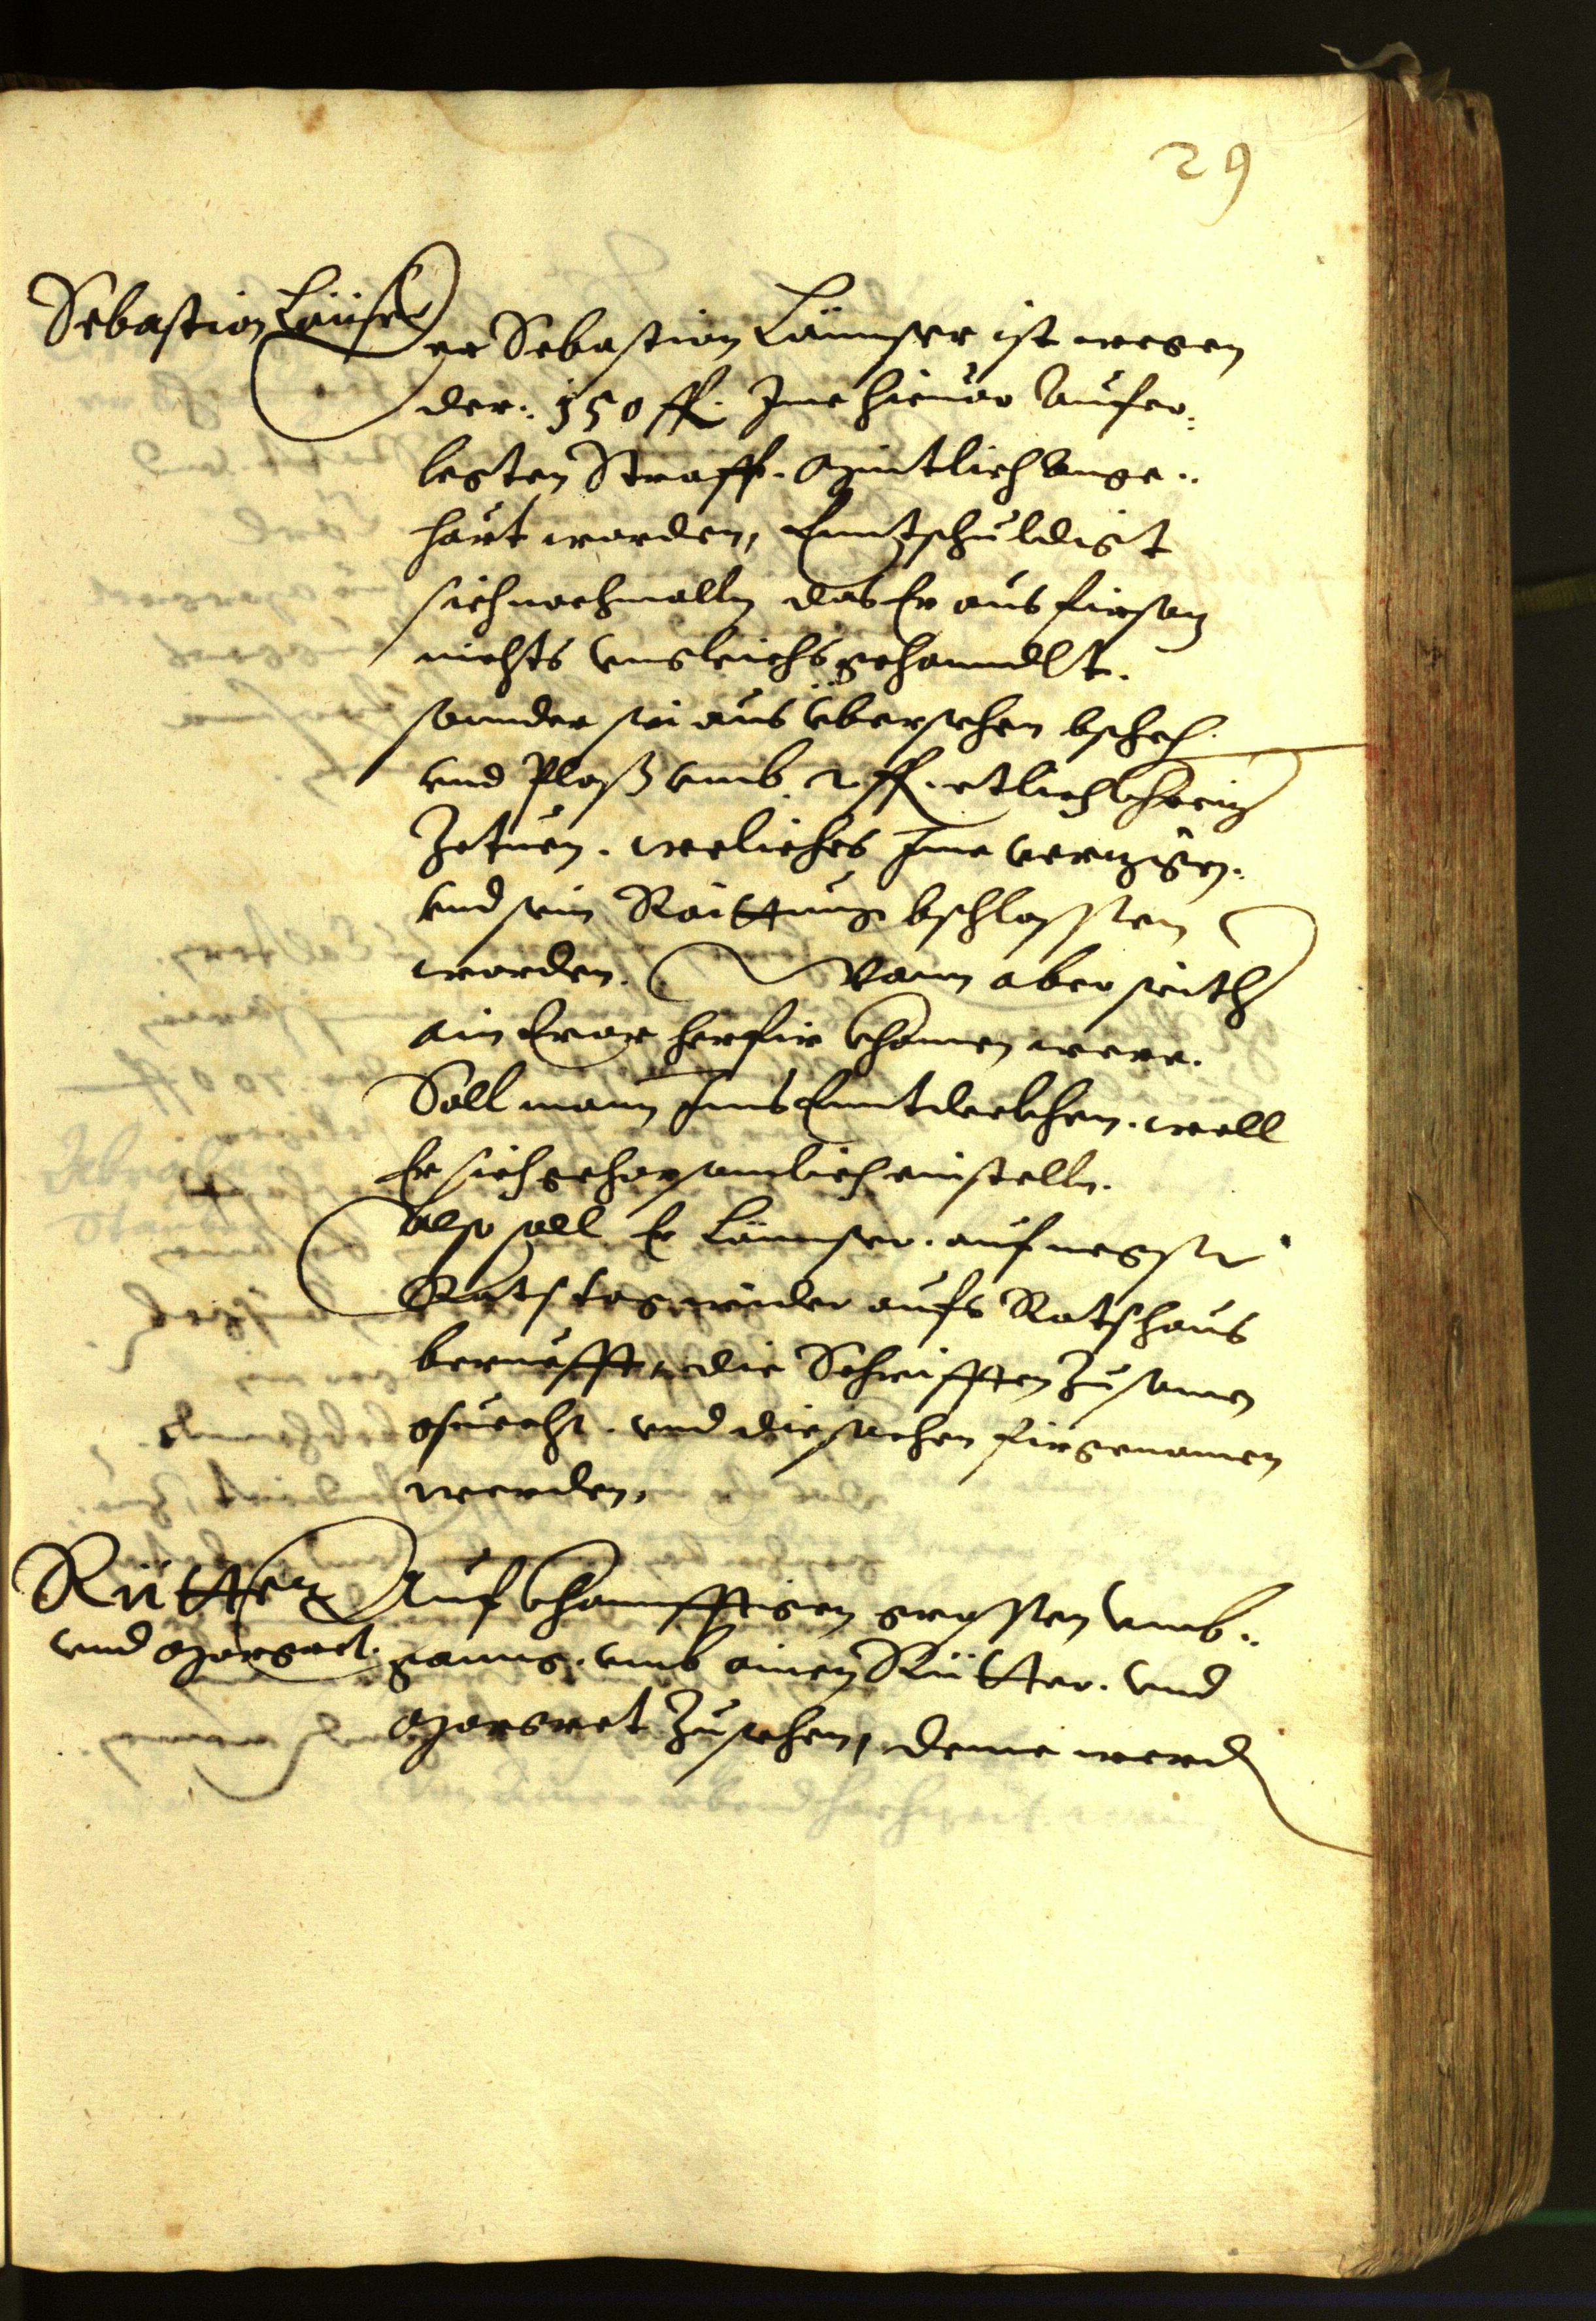29
Sebastian Länser.
Der Sebastian Lännser ist wegen
der: 150 fl. Ime hieor Aūfer¬
legten Straff. Mintlich ange¬
hōrt worden. Enntschūldigt
sich nochmalln das Er aūs firsaz
nichts vngleichs gehanndlt.
sonnder sei aūs v̈bersehen bscheh
vnd Ploß umb. 2 fl. etlich khreiz
Zetūen. weliches Ime verzigen.
vnd sein Raittūng beschlossen
worden. Wann aber seith
ain Eror herfir khomen were.
Soll mann Ims Enntdeckhen. well
Er sich gehorsamlich einstelln.
Also soll Er Lännser. aūf negst
Ratstag wider aūfs Ratshaūs
berūefft, die Schrifften Zūsamen
gsūecht. vnd die sachen firgenomen
werden,
Rütter
vnd Morgret.
Aūf Khonnfftigen grossen vmb¬
ganng. vmb ainen Rütter. vnd
Morgret Zū sehen, deme werd